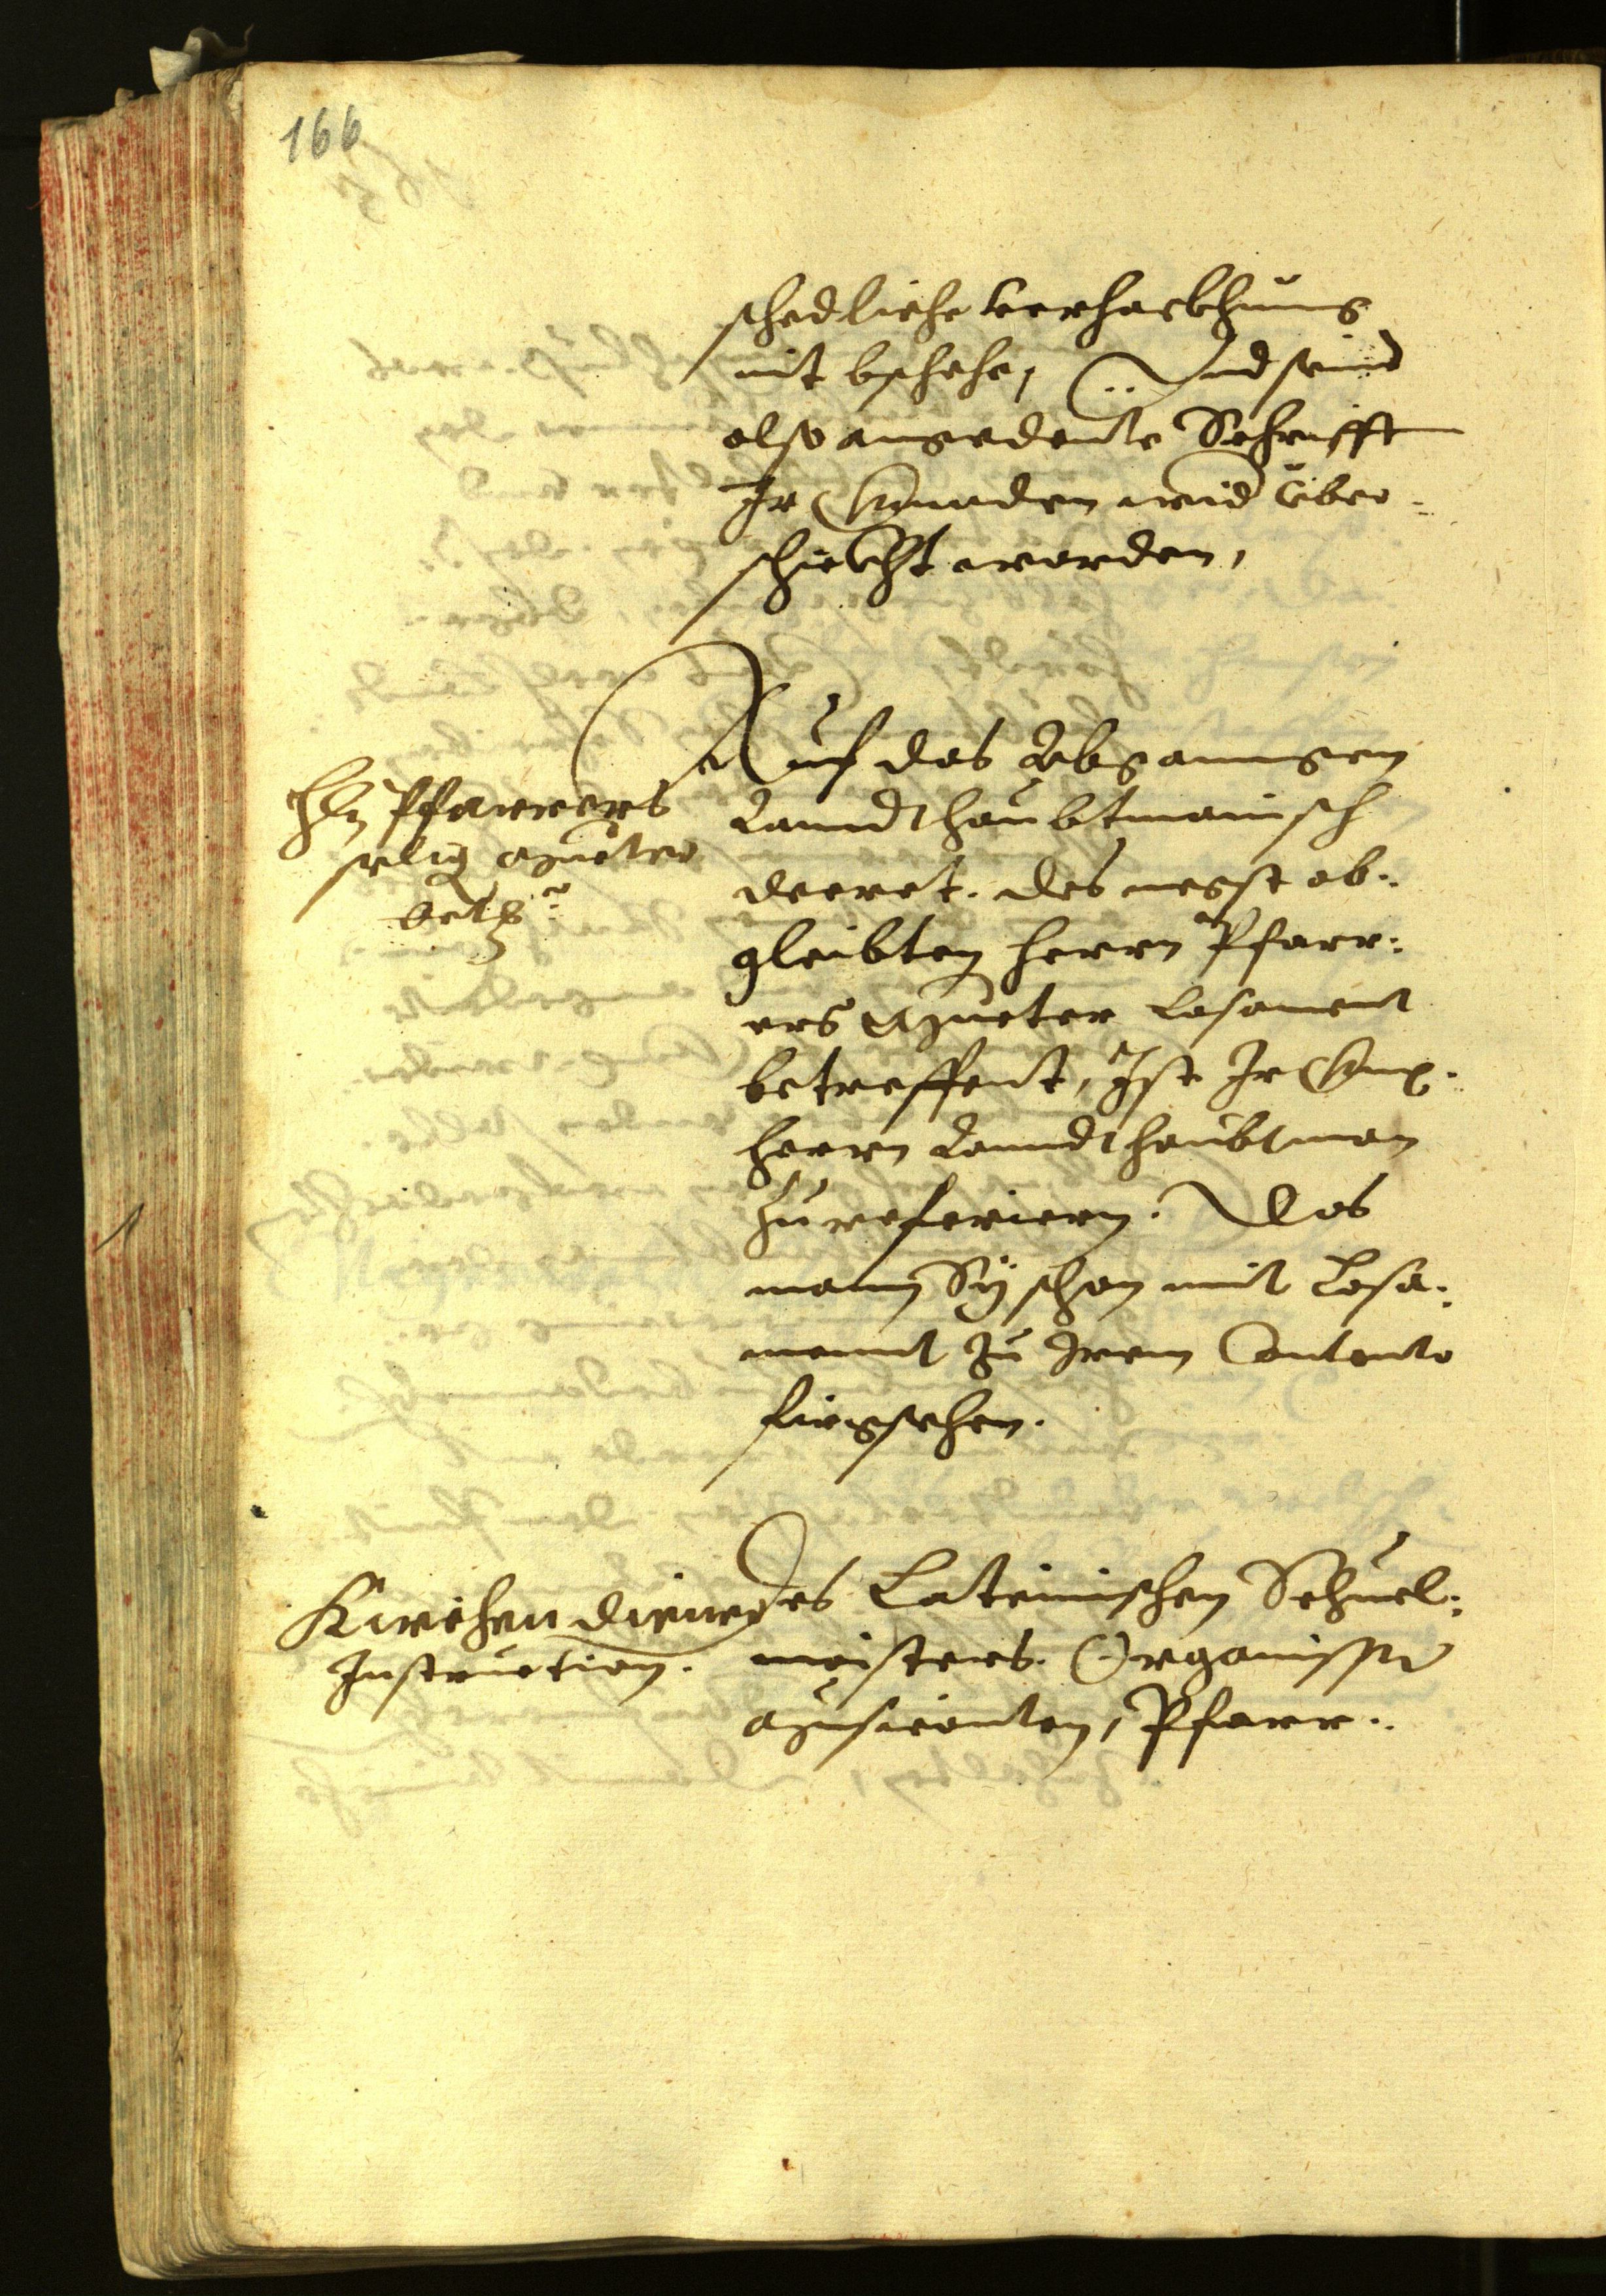166
schedliche verhackhūng
nit bschehe, Vnd seind
also angedeüte Schrifft
Ir Gnaden wid v̄ber¬
schickht worden,
Aūf das Abganngen
Lanndthaūbtmanisch
decret. des negst ab¬
gleibten herrn Pfarr¬
ers Mūeter Losament
betreffent, Ist Ir Gn.
herrn Lanndthaūbtman
Zū referiern. das
mann Sÿ schon mit Losa¬
mennt Zū Irem Contento
firgsehen.
hn Pfarrers
selig Mūeter
bet:
Des Lateinischen Schūel¬
Maisters. Organisst
Mūsicanten, Pfarr¬
Kirchen diener
Instrūction.